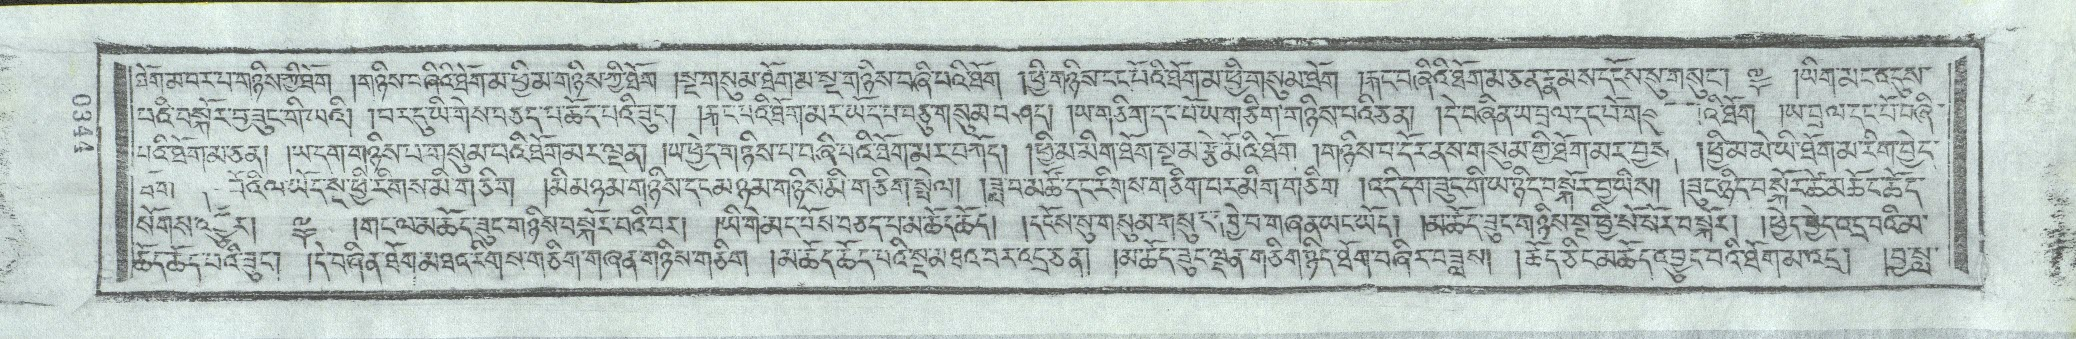ཐོག་མ་བར་པ་གཉིས་ཀྱི་ཐོག། །གཉིས་བཞིའི་ཐོག་མ་ཕྱི་མ་གཉིས་ཀྱི་ཐོག། །སྔ་གསུམ་ཐོག་མ་སྔ་གཉིས་བཞི་པའི་ཐོག །ཕྱི་གཉིས་དང་པོའི་ཐོག་མ་ཕྱི་གསུམ་ཐོག །རྐང་བཞིའི་ཏོག་མ་ཅན་རྣམས་དངོས་སུ་གསུང་། ༈ །ཡིག་མང་འདུས་
པའི་བསྐོར་བྱ་ཟུང་གི་ཡའི། །བར་དུ་ཡི་གེས་བཅད་པ་ཆོད་པའི་ཟུང་། །རྐང་པའི་ཐོག་མར་ཡོད་པ་བཅུ་གསུམ་བཤད། །ཡ་གཅིག་དང་པོ་ཡ་གཅིག་གཉིས་བའི་ཅན་།དེ་བཞིན་ཡ་བྲལ་དང་པོ་གསུང་བའི་ཐོག །ཡ་བྲལ་དང་པོ་བཞི་
པའི་ཐོག་མ་ཅན། །ཡ་དག་གཉིས་པ་གསུམ་པའི་ཐོག་མར་ལྡན། །ཡ་ཕྱེད་གཉིས་པ་བཞི་པའི་ཐོག་མར་བཀོད། །ཕྱི་མ་མིག་ཐོག་སྔ་མ་རྩེ་མོའི་ཐོག །གཉིས་བ་དོར་ནས་གསུམ་གྱི་ཐོག་མར་བྱས། །ཕྱི་མ་མེ་ཡི་ཐོག་མ་རིག་བྱེད་
བབ?། བོའི་ལ་ཡོད་སྔ་ཕྱི་རིགས་མི་གཅིག །མི་མཉམ་གཉིས་དང་མཉམ་གཉིས་མི་གཅིག་སྤེལ། །ཟླ་བ་མཚོ་དང་རིགས་གཅིག་བར་མིག་གཅིག །འདི་དག་ཟུང་གི་ཡ་ཉིད་བསྐོར་བྱ་ཡིས། །ཟུང་ཉིད་བསྐོར་ཚེ་མཆོད་ཆོད་
སོགས་འགྱུར། ༈ །གང་ལ་མཆོད་ཟུང་གཉིས་བསྐོར་བའི་བར། །ཡི་གེ་མང་བོས་བཅད་པ་མཆོད་ཆོད། །དངོས་སུ་གསུམ་གསུང་དབྱེ་བ་གཞན་ཡང་ཡོད། །མཆོད་ཟུང་གཉིས་སྔ་ཕྱི་སོ་སོར་བསྐོར། །ཕྱེད་ཕྱེད་འདྲ་བའི་མ་
ཆོད་ཆོད་པའི་ཟུང་། །དེ་བཞིན་ཐོག་མཐའ་རིགས་གཅིག་གཞན་གཉིས་གཅིག །མཆོད་ཆོད་པའི་སྡ་མཐའ་བར་འདྲ་ཅན། །མཆོད་ཟུང་ལྡན་གཅིག་ཉིད་ཐོག་བཞིར་བཟླས། །ཆོད་ཅིང་མཆོད་འབྱུང་བའི་ཐོག་མ་འདྲ། །བྱ་སླ་